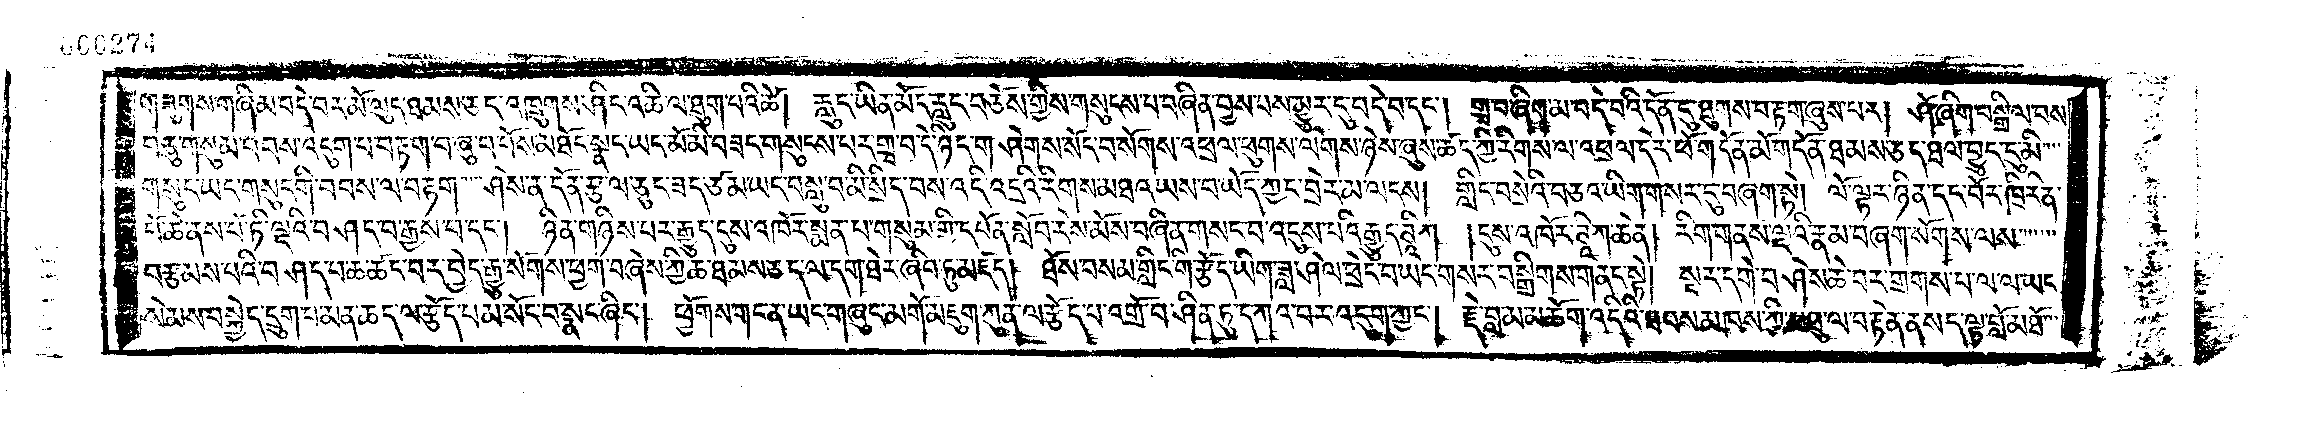གཟུགས་གཞི་མ་བདེ་བར་མོ་ལུང་ཐམས་ཅད་འཁྲུགས་ཤིང་འཆི་ལ་ཐུག་པའི་ཚེ། རླུང་ཡིན་མོང་རླུང་བཅོས་གྱིས་གསུངས་པ་བཞིན་བྱས་པས་མྱུར་དུ་བདེ་བ་དང་། གྲྭ་བ་ཞིག་མ་བདེ་བའི་དོན་དུ་ཐུགས་བརྟག་ཞུས་པར། ཤོ་ཞིག་བསྒྲིལ་བས་
བཅུ་གསུམ་བབས་འདུག་པ་བརྟག་པ་ཞུ་བ་པོས་མཐོང་སྣང་ཡང་མོ་མི་བཟང་གསུངས་པར་གྲྭ་བ་དེ་ཉིད་གཤེགས་སོང་བ་སོགས་འཕྲལ་ཕུགས་ལེགས་ཉེས་ཞུས་ཚད་ཀྱི་རིགས་ལ་འཕྲལ་དེར་ཕོ་གདོན་མོ་གདོན་ཐམས་ཅད་ཐལ་བྱུང་དུ་མི་
གསུང་ཡང་གསུང་གི་བབས་ལ་བརྟག་ཤེས་ན་དོན་རྩ་ལ་ཅུང་ཟ་ཙམ་ཡང་བསླུ་བ་མི་སྲིད་པས་འདི་འདྲའི་རིགས་མཐའ་ཡས་པ་ཡོད་ཀྱང་བྲར་མ་ལངས། གླིང་བསྲེའི་བཅའ་ཡིག་གསར་དུ་བཞག་སྟེ། ལོ་ལྟར་ཉིན་དང་པོར་ཁྲི་རིན་
པོ་ཆེ་ནས་པོ་ཏི་ལྔའི་བཤད་པ་རྒྱས་པ་དང་། ཉིན་གཉིས་པར་རྒྱུད་དུས་འཁོར་སྨན་པ་གསུམ་གྱི་དཔོན་སློབ་རེས་མོས་བཞིན་གསང་བ་འདུས་པའི་རྒྱུད་ཊཱི་ཀ །དུས་འཁོར་ཊཱིཀ་ཆེན། རིག་གནས་ལྔའི་རྣམ་བཞག་སོགས་ལས་
བརྩམས་པའི་བཤད་པ་ཆ་ཚང་བར་བྱེད་རྒྱུ་སོགས་ཕྱག་བཞེས་ཀྱི་ཆ་ཐམས་ཅད་ལ་དག་ཐེར་ཞིབ་ཏུ་མཛད། ཐོས་བསམ་གླིང་གི་རྩོད་ཡིག་ཟླ་ཤེལ་ཕྲེང་བ་ཡང་གསར་བསྒྲིགས་གནང་སྟེ། སྔར་དགེ་བཤེས་ཆེ་བར་གྲགས་པ་ལ་ལ་ཡང་
སེམས་བསྐྱེད་དྲུག་པ་མན་ཆད་ལ་རྩོད་པ་མ་སོང་བ་སྣང་ཞིང་། ཕྱོགས་གང་ན་ཡང་གཞུང་མགོ་མཇུག་ཀུན་ལ་རྩོད་པ་འགྲོ་བ་ཤིན་ཏུ་དཀའ་བར་འདུག་ཀྱང་། རྗེ་བླ་མ་མཆོག་འདིའི་ཐབས་མཁས་ཀྱི་མཐུ་ལ་བརྟེན་ནས་ད་ལྟ་བློ་མཐོ་